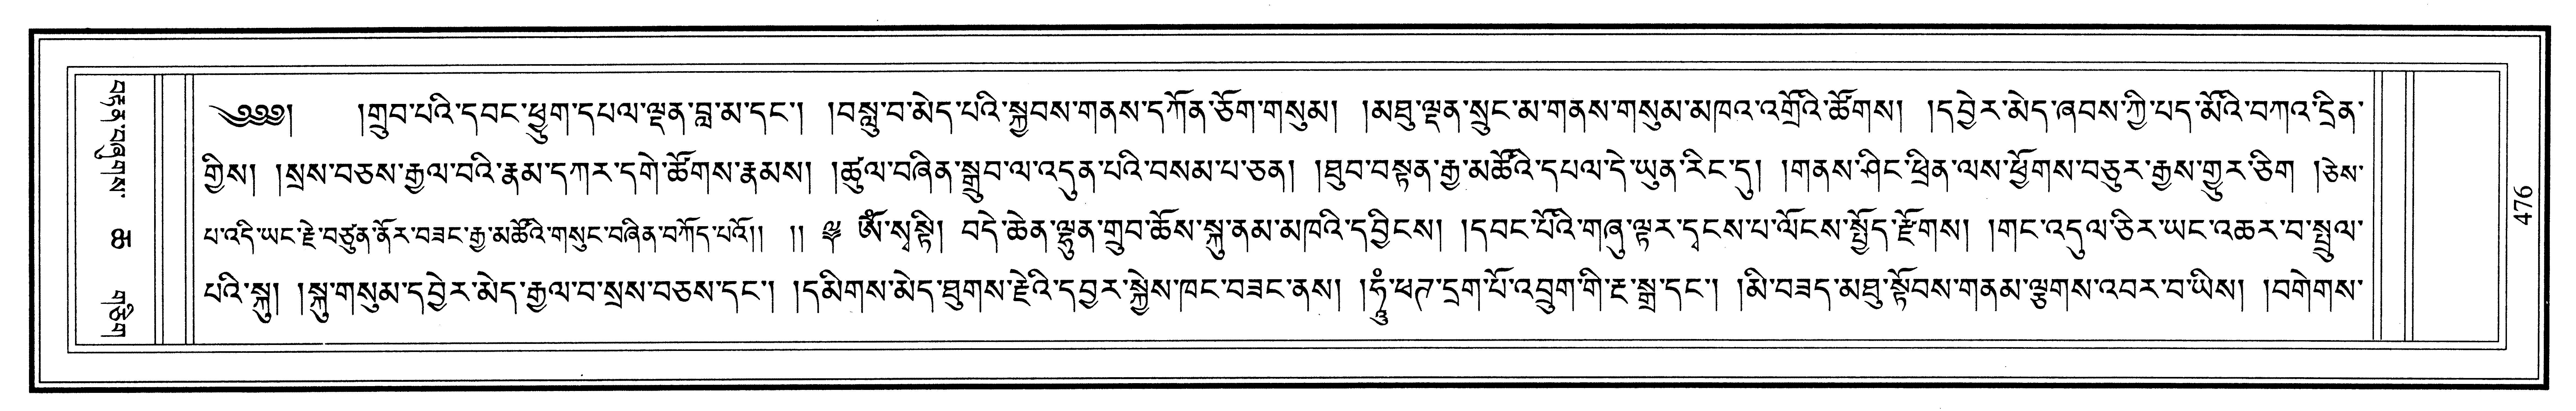༄༅༅། །གྲུབ་པའི་དབང་ཕྱུག་དཔལ་ལྡན་བླ་མ་དང་། །བསླུ་བ་མེད་པའི་སྐྱབས་གནས་དཀོན་ཅོག་གསུམ། །མཐུ་ལྡན་སྲུང་མ་གནས་གསུམ་མཁའ་འགྲོའི་ཚོགས། །དབྱེར་མེད་ཞབས་ཀྱི་པད་མོའི་བཀའ་དྲིན་
གྱིས། །སྲས་བཅས་རྒྱལ་བའི་རྣམ་དཀར་དགེ་ཚོགས་རྣམས། །ཚུལ་བཞིན་སྒྲུབ་ལ་འདུན་པའི་བསམ་པ་ཅན། །ཐུབ་བསྟན་རྒྱ་མཚོའི་དཔལ་དེ་ཡུན་རིང་དུ། །གནས་ཤིང་ཕྲིན་ལས་ཕྱོགས་བཅུར་རྒྱས་གྱུར་ཅིག །ཅེས་
པ་འདི་ཡང་རྗེ་བཙུན་ནོར་བཟང་རྒྱ་མཚོའི་གསུང་བཞིན་བཀོད་པའོ།། །། ༈ ཨོཾ་སྭསྟི། བདེ་ཆེན་ལྷུན་གྲུབ་ཆོས་སྐུ་ནམ་མཁའི་དབྱིངས། །དབང་པོའི་གཞུ་ལྟར་དྭངས་པ་ལོངས་སྤྱོད་རྫོགས། །གང་འདུལ་ཅིར་ཡང་འཆར་བ་སྤྲུལ་
པའི་སྐུ། །སྐུ་གསུམ་དབྱེར་མེད་རྒྱལ་བ་སྲས་བཅས་དང་། །དམིགས་མེད་ཐུགས་རྗེའི་དབྱར་སྐྱེས་ཁང་བཟང་ནས། །ཧཱུཾ་ཕཊ་དྲག་པོ་འབྲུག་གི་རྔ་སྒྲ་དང་། །མི་བཟད་མཐུ་སྟོབས་གནམ་ལྕགས་འབར་བ་ཡིས། །བགེགས་